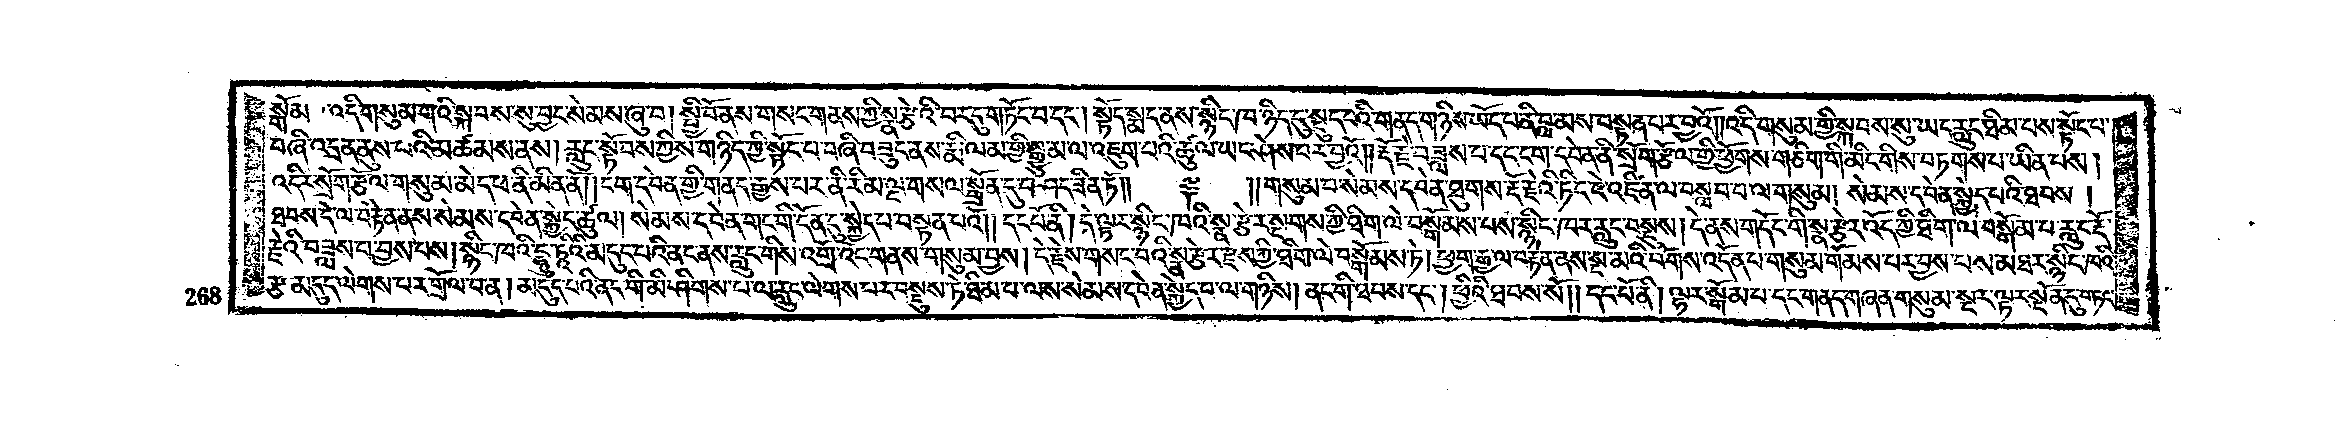སྒོམ། །འདི་གསུམ་གའི་སྐབས་སུ་བྱང་སེམས་ཞུ་བ། སྤྱི་བོ་ནས་གསང་གནས་ཀྱི་སྣ་རྩེའི་བར་དུ་གཏོང་བ་དང་། སྟོད་སྨད་ནས་སྙིང་ཁ་ཉིད་དུ་སྡུད་པའི་གནད་གཉིས་ཡོད་པ་ནི་བླ་མས་བསྟན་པར་བྱའོ། །འདི་གསུམ་གྱི་སྐབས་སུ་ཡང་རླུང་ཐིམ་པས་སྟོང་པ་
བཞི་འདྲ་ན་ནུས་པའི་མཚམས་ནས། རླུང་སྟོབས་ཀྱིས་གཉིད་ཀྱི་སྟོང་པ་བཞི་བཟུང་ནས་རྨི་ལམ་གྱི་སྒྱུ་མ་ལ་འཇུག་པའི་ཚུལ་ཡང་ཤེས་པར་བྱའོ། །རྡོ་རྗེ་བཟླས་པ་དང་ངག་དབེན་ན་སྲོག་རྩོལ་གྱི་ཕྱོགས་གཅིག་གི་མིང་གིས་བཏགས་པ་ཡིན་པས།
འདིར་སྲོག་རྩོལ་གསུམ་མེད་ཕ་ནི་མིན་ནོ། །ངག་དབེན་གྱི་གནད་རྒྱས་པར་ནི་རིམ་ལྔ་གསལ་སྒྲོན་དུ་བཤད་ཟིན་ཏོ།། ༈ །།གསུམ་པ་སེམས་དབེན་ཐུགས་རྡོ་རྗེའི་ཏིང་ངེ་འཛིན་ལ་བསླབ་པ་ལ་གསུམ། སེམས་དབེན་སྐྱེད་པའི་ཐབས།
ཐབས་དེ་ལ་བརྟེན་ནས་སེམས་དབེན་སྐྱེད་ཚུལ། སེམས་དབེན་གང་གི་དོན་དུ་སྐྱེད་པ་བསྟན་པའོ། །དང་པོ་ནི། དེ་ལྟར་སྙིང་ཁའི་སྣ་རྩེ་སྔགས་ཀྱི་ཐིག་ལེ་བསྒོམས་པས་སྙིང་ཁར་རླུང་བསྡུས། དེ་ནས་གདོང་གི་སྣ་རྩེར་འོད་ཀྱི་ཐིག་ལེ་བསྒོམ་པ་རླུང་རྡོ་
རྗེའི་བཟླས་པ་བྱས་པས། སྙིང་ཁའི་དྷཱུ་ཏཱིའི་མདུང་པའི་ནང་ནས་རླུང་གིས་འགྲོ་འོང་གནས་གསུམ་བྱས། དེ་རྗེས་གསང་བའི་སྣ་རྩེར་རྫས་ཀྱི་ཐིག་ལེ་བསྒོམས་ཏེ། ཕྱག་རྒྱ་ལ་བརྟེན་ནས་སྔ་མའི་བོགས་འདོན་པ་གསུམ་གོམས་པར་བྱས་པས་མཐར་སྙིང་ཁའི་
རྩ་མདུད་ལེགས་པར་གྲོལ་བ་ན། མདུད་པའི་ནང་གི་མི་ཤིགས་པ་ལ་རླུང་ལེགས་པར་བསྡུས་ཏེ་ཐིམ་པ་ལས་སེམས་དབེན་སྐྱེད་པ་ལ་གཉིས། ནང་གི་ཐབས་དང་། ཕྱིའི་ཐབས་སོ། །དང་པོ་ནི། ལྷར་སྒོམ་པ་དང་གནད་གཞན་གསུམ་སྔར་ལྟར་སྔོན་དུ་བཏང་